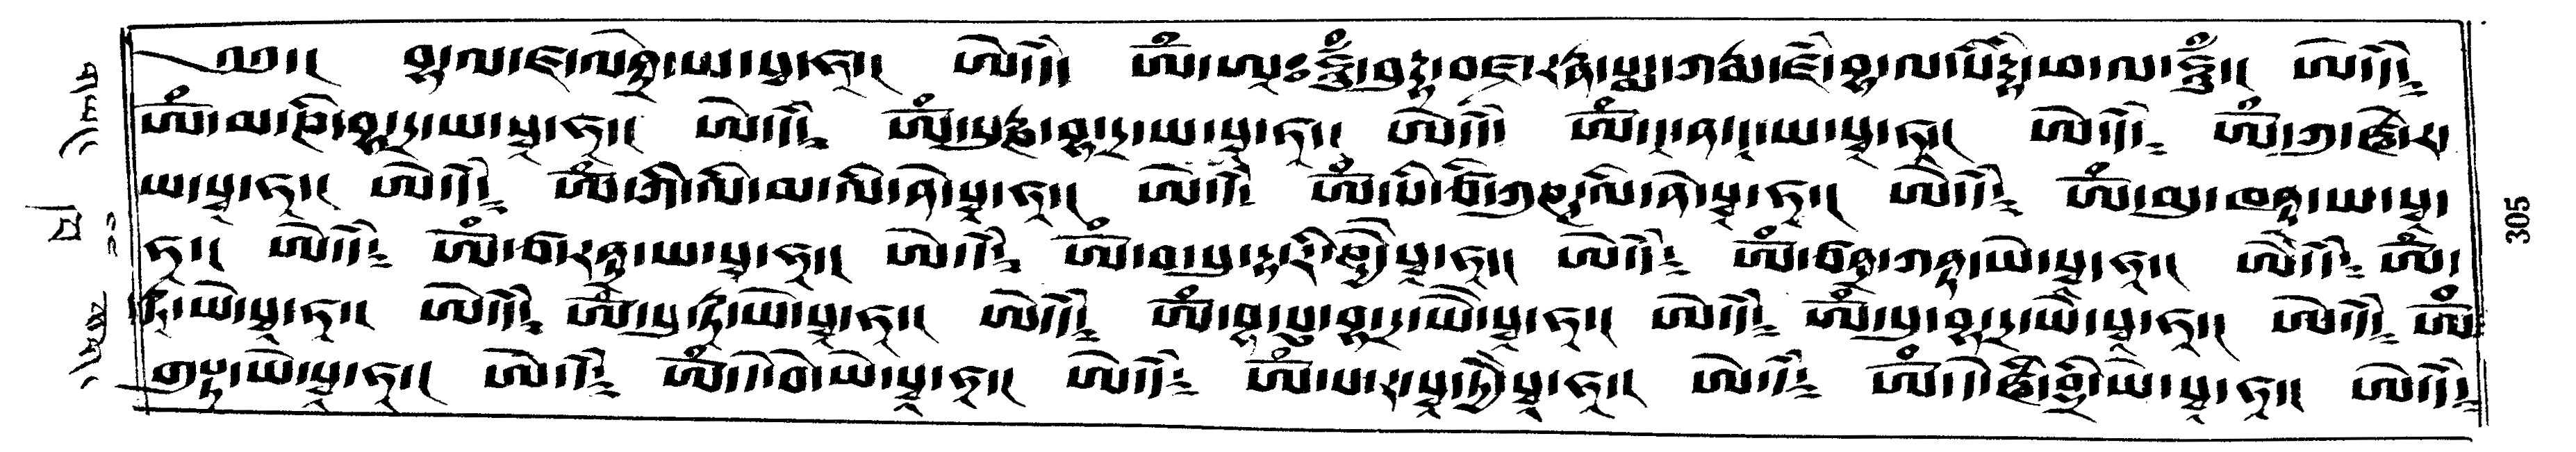བྷ་ལ་ཛ་ལེན་ཏྲ་ཡ་སྭ་ཧཱ། ཨེ་དམ། ཨོཾ་ཨཱཿཧཱུྃ་བུདྡྷ་བཛྲ་རཏྣ་པདྨ་ཀརྨ་ཛམ་བྷ་ལ་སིདྡྷི་ཕ་ལ་ཧཱུྃ། ཨེ་དམ༴ 
ཨོཾ་མ་ཎི་བྷ་དྲ་ཡ་སྭ་ཧ། ཨེ་དམ༴ ཨོཾ་པུརྞ་བྷ་དྲ་ཡ་སྭ་ཧཱ། ཨེ་དམ༴ ཨོཾ་དཱ་ན་དཱ་ཡ་སྭ་ཧཱ། ཨེ་དམ༴ ཨོཾ་ཀུ་ཝེ་ར་
ཡ་སྭ་ཧཱ། ཨེ་དམ༴ ཨོཾ་ཀི་ལི་མ་ལི་ནེ་སྭ་ཧཱ། ཨེ་དམ༴ ཨོ་པི་ཙི་ཀུཎྜ་ལི་ནེ་སྭ་ཧཱ། ཨེ་དམ༴ ཨོཾ་མུ་ཁནྟྲ་ཡ་སྭ་
ཧཱ། ཨེ་དམ༴ ཨོཾ་ཙ་རནྟྲ་ཡ་སྭ་ཧཱ། ཨེ་དམ༴ ཨོཾ་བ་སུ་དྷ་རི་ཎདྱཻ་སྭ་ཧཱ། ཨེ་དམ༴ ཨོཾ་ཙནྡྲ་ཀནྟ་ཡེ་སྭ་ཧཱ། ཨེ་དམ༴ ཨོཾ་
རྟཱ་ཡེ་སྭ་ཧཱ། ཨེ་དམ༴ ཨོཾ་སུ་རྟཱ་ཡེ་སྭ་ཧཱ། ཨེ་དམ༴ ཨོཾ་བྷ་སུ་བྷ་དྲ་ཡེ་སྭ་ཧཱ། ཨེ་དམ༴ ཨོཾ་སུ་བྷ་དྲ་ཡེ་སྭ་ཧཱ། ཨེ་དམ༴ ཨོཾ་
གུཔྟ་ཡེ་སྭ་ཧཱ། ཨེ་དམ༴ ཨོཾ་དེ་བེ་ཡེ་སྭ་ཧཱ། ཨེ་དམ༴ ཨོཾ་ས་ར་སྭ་ཏྱཾ་སྭ་ཧ། ཨེ་དམ༴ ཨོཾ་དེ་ཝི་ཤྲཱི་ཡེ་སྭ་ཧཱ། ཨེ་དམ༴